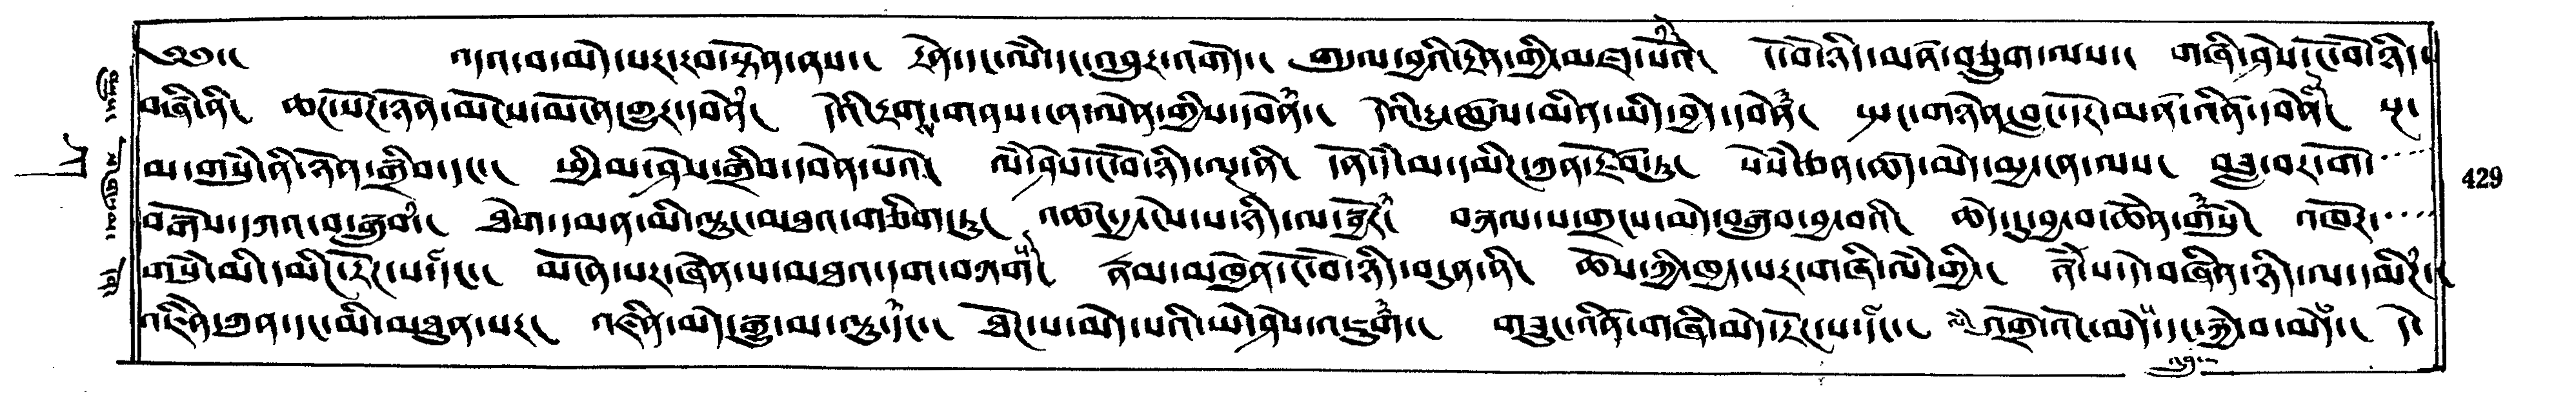འདའ་བ་མེད་པར་རབ་སྟོན་ནས། །རྟེན་དང་ལམ་དང་འབྲས་བུར་འགོད། །གདུལ་བྱའི་རྟེན་གྱི་མཛད་པའོ། །ངོ་བོ་ཉིད་མཚན་བཅུ་དྲུག་ལས། །གཞི་ཤེས་ངོ་བོ་ཉིད་
བཞི་ནི། །ཆགས་སོགས་ཉོན་མོངས་མངོན་གྱུར་དབེན། །དེའི་རྟགས་གནས་ངན་ལེན་གྱིས་དབེན། །དེའི་རྒྱུ་ཚུལ་མིན་ཡིད་བྱེད་དབེན། །སྤང་གཉེན་བླང་དོར་མཚན་འཛིན་དབེན། །སྔ་
མ་གསུམ་ནི་ཉོན་སྒྲིབ་དང་། །ཕྱི་མ་ཤེས་སྒྲིབ་དབེན་པའོ། །ལམ་ཤེས་ངོ་བོ་ཉིད་ལྔ་ནི། །དོན་དམ་མ་དམིགས་ཀུན་རྫོབ་ཏུ། །སེམས་ཅན་ཚད་མེད་མྱ་ངན་ལས། །འདའ་བར་གོ་
བསྒོས་དཀའ་བ་སྒྲུབ། །ཐེག་དམན་མི་ལྟུང་མཐའ་གཅིག་ཏུ། །འཚང་རྒྱ་ངེས་པ་ཉིད་ལ་སྦྱོར། །བསྐལ་པ་གྲངས་མེད་བསྒྲུབ་བྱ་བའི། །ཆེད་དུ་བྱ་བ་ཆེན་པོ་གསུམ། །འཁོར་
གསུམ་མི་དམིགས་རྟོགས་པ་དང་། །མངོན་པར་ཞེན་པ་མཐའ་དག་བཀག།རྣམ་མཁྱེན་ངོ་བོ་ཉིད་བདུན་ནི། །ཆོས་ཀྱི་ཁྱད་པར་གཞི་ལམ་གྱི། །རྣམ་པ་དེ་བཞིན་ཉིད་ལ་དམིགས། །
འཇིག་རྟེན་ཀུན་དང་མི་མཐུན་པར། །འཛིན་མེད་སྒྱུ་མ་ལྟ་བུ་དང་། །ཐོགས་པ་མེད་པའི་ཡེ་ཤེས་འཇུག །གཟུང་འཛིན་གཞི་མེད་རྟོགས་པ་དང་། ། ལམ་འགྲོ་འོང་མེད་དང་འབྲས་བུ་སྐྱེ་བ་མེད། །དེ་